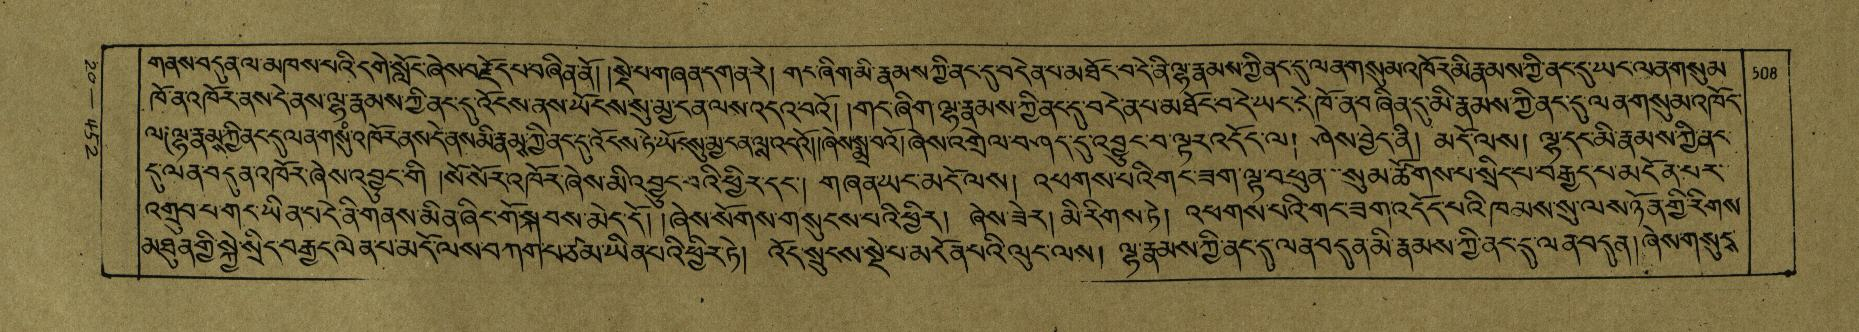གནས་བདུན་ལ་མཁས་པའི་དགེ་སློང་ཞེས་བརྗོད་པ་བཞིན་ནོ། །སྡེ་པ་གཞན་དག་ན་རེ། གང་ཞིག་མི་རྣམས་ཀྱི་ནང་དུ་བདེན་པ་མཐོང་བ་དེ་ནི་ལྷ་རྣམས་ཀྱི་ནང་དུ་ལན་གསུམ་འཁོར་མི་རྣམས་ཀྱི་ནང་དུ་ཡང་ལན་གསུམ་
ཁོ་ན་འཁོར་ནས་དེ་ནས་ལྷ་རྣམས་ཀྱི་ནང་དུ་འོངས་ནས་ཡོངས་སུ་མྱ་ངན་ལས་འདའ་བའོ། །གང་ཞིག་ལྷ་རྣམས་ཀྱི་ནང་དུ་བདེན་པ་མཐོང་བ་དེ་ཡང་དེ་ཁོ་ན་བཞིན་དུ་མི་རྣམས་ཀྱི་ནང་དུ་ལན་གསུམ་འཁོད་
ལ༑ ལྷ་རྣམས་ཀྱི་ནང་དུ་ལན་གསུཾ་འཁོར་ནས་དེ་ནས་མི་རྣམས་ཀྱི་ནང་དུ་འོངས་ཏེ་ཡོངྶུ་མྱ་ངན་ལས་འདའོ། །ཞེས་སྨྲ་བའོ། ཞེས་འགྲེལ་བཤད་དུ་འབྱུང་བ་ལྟར་འདོད་ལ། ཤེས་བྱེད་ནི། མདོ་ལས། ལྷ་དང་མི་རྣམས་ཀྱི་ནང་
དུ་ལན་བདུན་འཁོར་ཞེས་འབྱུང་གི །སོ་སོར་འཁོར་ཞེས་མི་འབྱུང་བའི་ཕྱིར་དང་། གཞན་ཡང་མདོ་ལས། འཕགས་པའི་གང་ཟག་ལྟ་བ་ཕུན་སུམ་ཚོགས་པ་སྲིད་པ་བརྒྱད་པ་མངོན་པར་
འགྲུབ་པ་གང་ཡིན་པ་དེ་ནི་གནས་མིན་ཞིང་གོ་སྐབས་མེད་དོ། །ཞེས་སོགས་གསུངས་པའི་ཕྱིར། ཞེས་ཟེར། མི་རིགས་ཏེ། འཕགས་པའི་གང་ཟག་འདོད་པའི་ཁམས་སུ་ལས་ཉོན་གྱི་རིགས་
མཐུན་གྱི་སྐྱེ་སྲིད་བརྒྱད་ལེན་པ་མདོ་ལས་བཀག་པ་ཙམ་ཡིན་པའི་ཕྱིར་ཏེ། འོད་སྲུངས་སྡེ་པ་མངོན་པའི་ལུང་ལས། ལྷ་རྣམས་ཀྱི་ནང་དུ་ལན་བདུན་མི་རྣམས་ཀྱི་ནང་དུ་ལན་བདུན། ཞེས་གསུངས་